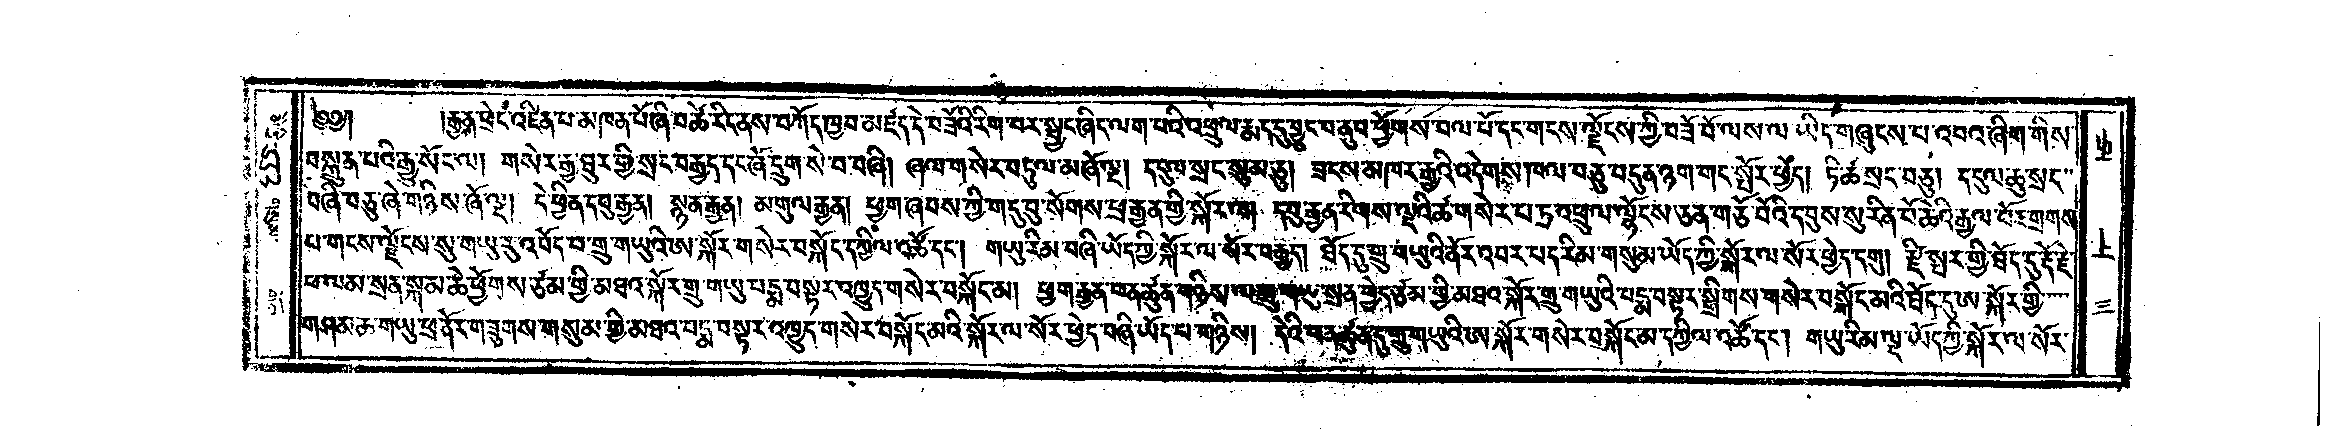༄༅། །རྒྱན་ཕྲེང་འཛིན་པ་མཁན་པོ་ཞི་བ་ཚེ་རིང་ནས་བཀོད་ཁྱབ་མཛད་དེ་བཟོའི་རིག་པར་སྦྱང་ཞིང་ལག་པའི་འཕྲུལ་རྨད་དུ་བྱུང་བ་ནུབ་ཕྱོགས་བལ་པོ་དང་གངས་ལྗོངས་ཀྱི་བཟོ་བོ་ལས་ལ་ཡིད་གཞུངས་པ་འབའ་ཞིག་གིས་
བསྐྲུན་པའི་རྒྱུ་སོང་ལ། གསེར་རྒྱ་ཐུར་གྱི་སྲང་བརྒྱད་དང་ཞོ་དྲུག་སེ་བ་བཞི། ཞལ་གསེར་བཏུལ་མ་ཞོ་ལྔ། དངུལ་སྲང་སུམ་ཅུ། ཟངས་མཁར་རྒྱའི་འདེགས་ཁལ་བཅུ་བདུན་ཉག་གང་སྤོར་ཕྱེད། ཏི་ཆེ་སྲང?་བཅུ། དངུལ་ཆུ་སྲང་
བཞི་བཅུ་ཞེ་གཉིས་ཞོ་ལྔ། དེ་ཕྱིན་དབུ་རྒྱན། སྙན་རྒྱན། མགུལ་རྒྱན། ཕྱག་ཞབས་ཀྱི་གདུ་བུ་སོགས་ཕྲ་རྒྱན་གྱི་སྐོར་ལ། དབུ་རྒྱན་རིགས་ལྔའི་ཚ་གསེར་པ་ཏྲ་འཕྲུལ་ལྷོངས་ཅན་གཙོ་བོའི་དབུས་སུ་རིན་པོ་ཆེའི་རྒྱལ་པོར་གྲགས་
པ་གངས་ལྗོངས་སུ་གཡུ་རུ་འབོད་པ་གྲུ་གཡུའི་ཨ་སྐོར་གསེར་བསྐོད?་དཀྱིལ་འཚོ་དང་། གཡུ་རིམ་བཞི་ཡོད་ཀྱི་སྐོར་ལ་སོར་བརྒྱད། ཐོད་དུ་གྲུ་གཡུའི་ནོར་འབར་པད་རིམ་གསུམ་ཡོད་ཀྱི་སྐོར་ལ་སོར་ཕྱེད་དགུ། རྫི་སྤར་གྱི་ཐོད་དུ་རྡོ་རྗེ་
ཕ་ལམ་སྲན་སྐམ་ཆེ་ཕྱོགས་ཙམ་གྱི་མཐའ་སྐོར་གྲུ་གཡུ་པདམ་བསྟར་འཁྱུད་གསེར་བསྐོང་མ། ཕྱག་རྒྱན་ཕན་ཚུན་གཉིས་ལ་གྲུ་གཡུ་སྲན་ཕྱེད་ཙམ་གྱི་མཐའ་སྐོར་གྲུ་གཡུའི་པདམ་བསྟར་སྒྲིགས་གསེར་བསྒོང་མའི་ཐོད་དུ་ཨ་སྐོར་གྱི་
གཤམ་ཆ་གཡུ་ཕྲ་ནོར་གཟུགས་གསུམ་གྱི་མཐའ་པདམ་བསྟར་འཁྱུད་གསེར་བསྐོང?་མའི་སྐོར་ལ་སོར་ཕྱེད་བཞི་ཡོད་པ་གཉིས། དེའི་ཕན?་ཚུན་དུ་གྲུ་གཡུའི་ཨ་སྐོར་གསེར་བསྐོང་མ་དཀྱིལ་འཚོ་དང་། གཡུ་རིམ་ལྔ་ཡོད་ཀྱི་སྐོར་ལ་སོར་